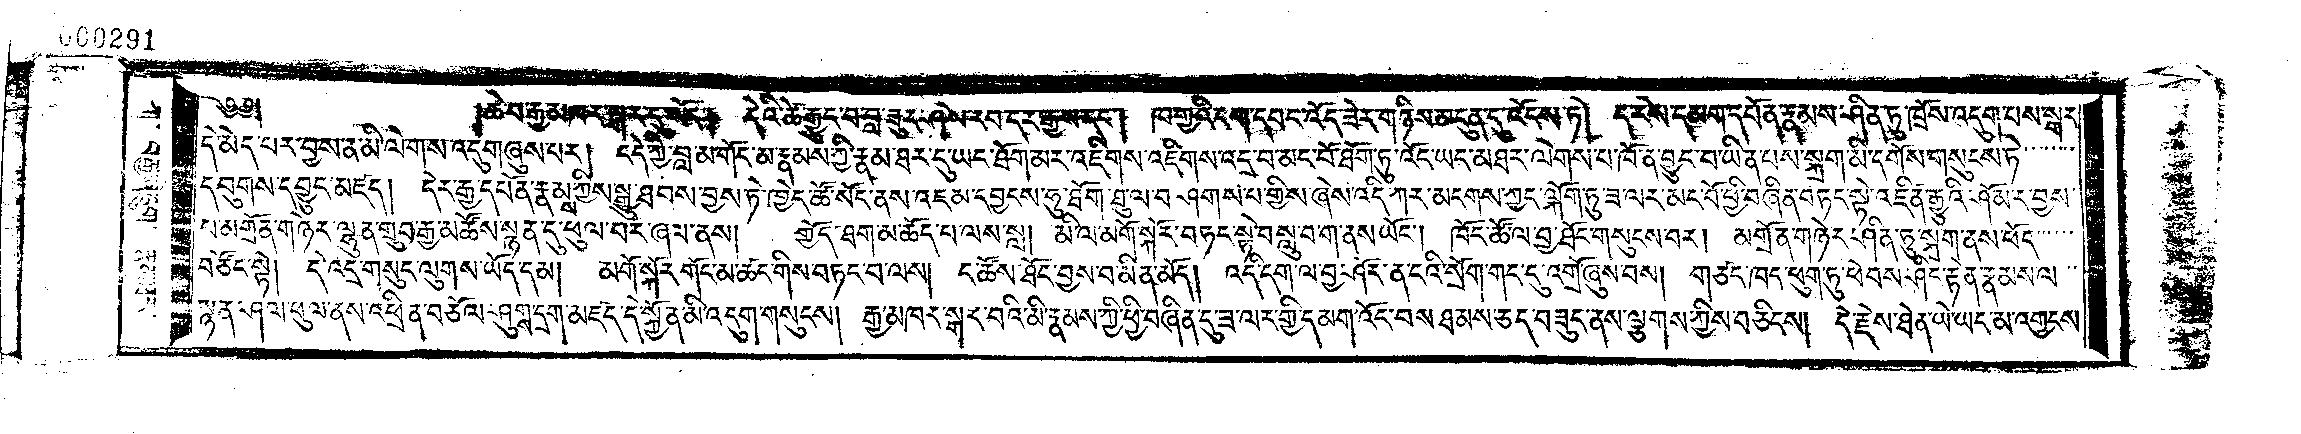༄༅། །ཆེ་བ་རྒྱ་མཁར་སྒར་དུ་སོང་། དེའི་ཚེ་རྒྱུད་པ་བླ་ཟུར་ཤེས་རབ་དར་རྒྱས་དང་། ཁ་གྱའི་ངག་དབང་འོད་ཟེར་གཉིས་མདུན་དུ་འོངས་ཏེ། ད་རེས་དམག་དཔོན་རྣམས་ཤིན་ཏུ་ཁྲོས་འདུག་པས་སྒར་
དེ་མེད་པར་བྱས་ན་མི་ལེགས་འདུག་ཞུས་པར། ངེད་ཀྱི་བླ་མ་གོང་མ་རྣམས་ཀྱི་རྣམ་ཐར་དུ་ཡང་ཐོག་མར་འཇིགས་འཇིགས་འདྲ་བ་མང་པོ་ཐོག་ཏུ་འོང་ཡང་མཐར་ལེགས་པ་ཁོ་ན་བྱུང་བ་ཡིན་པས་སྐྲག་མི་དགོས་གསུངས་ཏེ་
དབུགས་དབྱུང་མཛད། དེར་རྒྱ་དཔོན་རྣམས་ཀྱིས་སྒྱུ་ཐབས་བྱས་ཏེ་ཁྱེད་ཚོ་སོང་ནས་འཇམ་དབྱངས་ཧུ་ཐོག་ཐུ་ལ་བཤགས་པ་གྱིས་ཞེས་འདི་ཀར་མངགས་ཀྱང་ལྐོག་ཏུ་ཟ་ལར་མང་པོ་ཕྱི་བཞིན་བཏང་སྟེ་འཛིན་རྒྱུའི་ཤོམ་ར་བྱས་
པ་མགྲོན་གཉེར་ལྷུན་གྲུབ་རྒྱ་མཚོས་སྙན་དུ་ཕུལ་བར་ཞལ་ནས། གྱོད་ཐག་མ་ཆོད་པ་ལས་སླ། མི་ལ་མགོ་སྐོར་བཏང་སྟེ་བསླུ་བ་ག་ནས་ཡོང་། ཁོང་ཚོ་ལ་བྱ་ཐོང་གསུངས་པར། མགྲོན་གཉེར་ཤིན་ཏུ་སྐྲག་ནས་ཕོད་
བཙོང་སྟེ། དེ་འདྲ་གསུང་ལུགས་ཡོད་དམ། མགོ་སྐོར་གོང་མ་ཚང་གིས་བཏང་བ་ལས། ང་ཚོས་ཐོང་བྱས་པ་མིན་མོད། འདི་དག་ལ་བྱ་ཤོར་ན་ངའི་སྲོག་གང་དུ་འགྲོ་ཞུས་པས། གཙང་ཁང་ཕུག་ཏུ་ཕེབས་ཤིང་རྟེན་རྣམས་ལ་
སྙན་ཤལ་ཕུལ་ནས་འཕྲིན་བཅོལ་ཤུགས་དྲག་མཛད་དེ་སྐྱོན་མི་འདུག་གསུངས། རྒྱ་མཁར་སྒར་བའི་མི་རྣམས་ཀྱི་ཕྱི་བཞིན་དུ་ཟ་ལར་གྱི་དམག་འོང་པས་ཐམས་ཅད་བཟུང་ནས་ལྕགས་ཀྱིས་བཅིངས། དེ་རྗེས་ཐེན་ཡེ་ཡང་མ་འགྱངས་